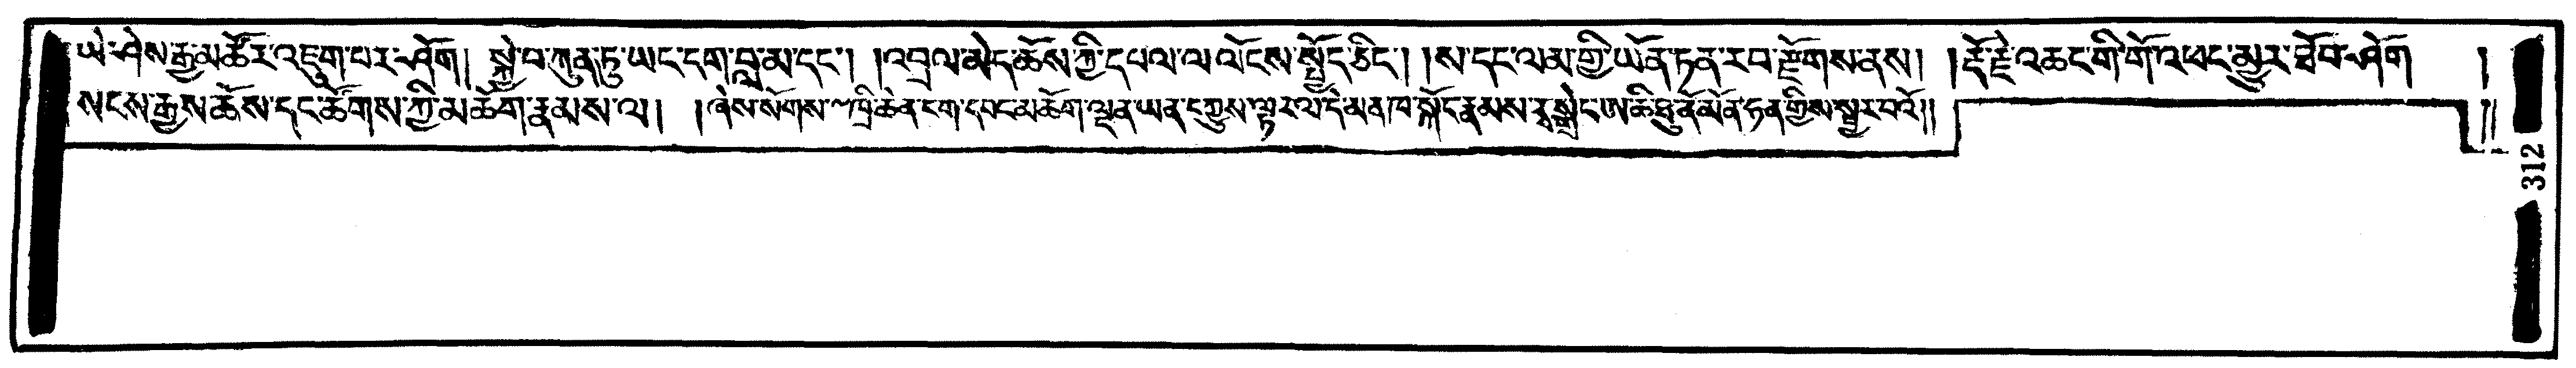ཡེ་ཤེས་རྒྱ་མཚོར་འཇུག་པར་ཤོག །སྐྱེ་བ་ཀུན་ཏུ་ཡང་དག་བླ་མ་དང་། །འབྲལ་མེད་ཆོས་ཀྱི་དཔལ་ལ་ལོངས་སྤྱོད་ཅིང་། །ས་དང་ལམ་གྱི་ཡོན་ཏན་རབ་རྫོགས་ནས། །རྡོ་རྗེ་འཆང་གི་གོ་འཕང་མྱུར་ཐོབ་ཤོག །
སངས་རྒྱས་ཆོས་དང་ཚོགས་ཀྱི་མཆོག་རྣམས་ལ། །ཞེས་སོགས ༧་ཁྲི་ཆེན་ངག་དབང་མཆོག་ལྡན་ཡན་དཀྱུས་ལྟར་ལ་དེ་མན་ཁ་སྐོང་རྣམས་རྭ་སྒྲེང་ཨ་ཆི་ཐུ་ནོ་མོན་ཧན་གྱིས་སྦྱར་བའོ།།